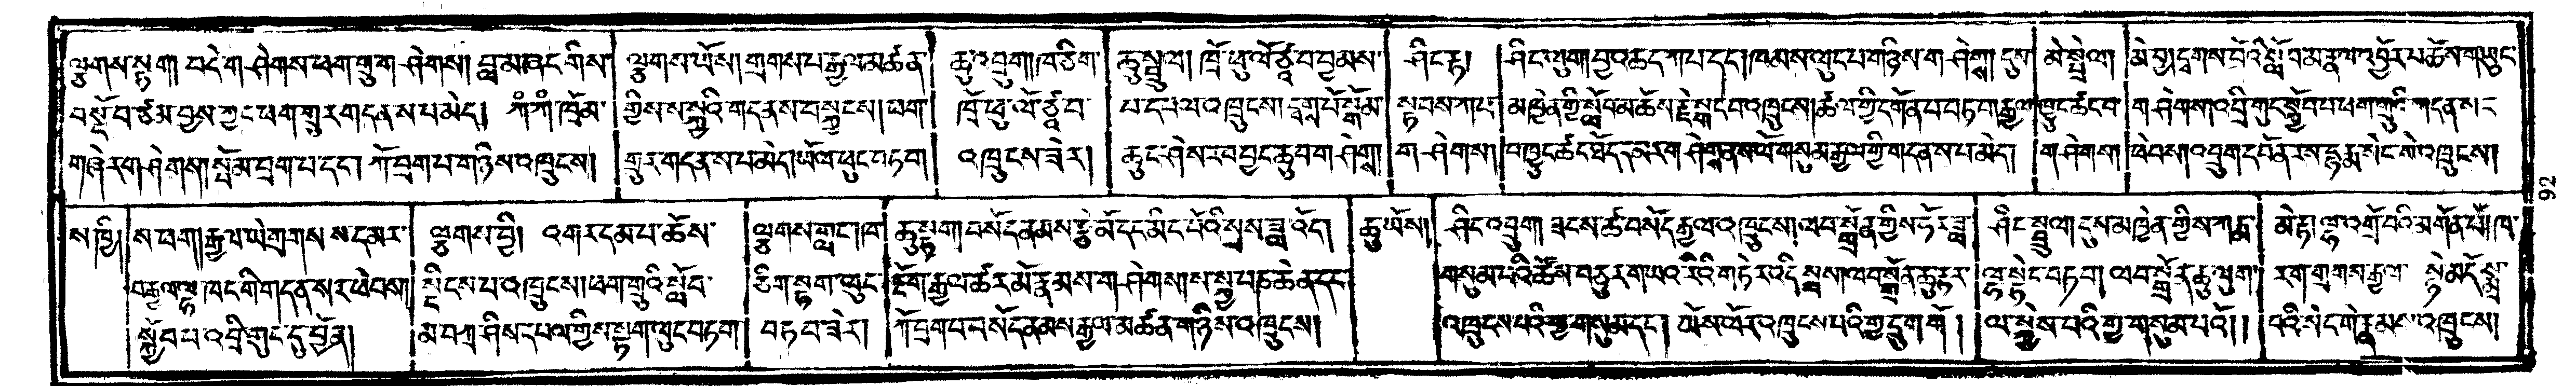ལྕགས་སྟག། བདེ་གཤེགས་ཕག་གྲུ་གཤེགས། བླ་མ་ཞང་གིས་ལྕགས་ཡོས། གྲགས་པ་རྒྱལ་མཚན་ཆུ་འབྲུག །ཁ་ཅིག་ཆུ་སྦྲུལ། ཁྲོ་ཕུ་ལོ་ཙཱ་བ་བྱམས་ཤིང་རྟ། ཤིང་ལུག །བྱ་འཆད་ཀ་པ་དང་། ཁམས་ལུང་པ་གཉིས་གཤེགས། དུས་མེ་སྤྲེལ། མེ་བྱ། དྭགས་བོའི་སློབ་མ་རྣལ་འབྱོར་པ་ཆོས་གཡུང་
བསྔོ་པ་ཙམ་བྱས་ཀྱང་ཕག་གྲུར་གདན་ས་པ་མེད། ཀཾ་ཀཾ་ཁྲོམ་གྱིས་ས་སྐྱའི་གདན་ས་བསྐྱངས། ཡག་ཁྲོ་ཕུ་ལོ་ཙཱ་བ་པ་དཔལ་འཁྲུངས། དྭགས་པོ་སྒོམ་སྟབས་ཀ་པ་མཁྱེན་གྱི་སློབ་མ་ཆོས་རྗེ་སྒང་བ་འཁྲུངས། ཚལ་གྱི་དགོན་པ་བཏབ། རྒྱལ་ཁྱུང་ཚང་བ་གཤེགས། འབྲི་གུང་སྐྱོབ་པ་ཕག་ཀྲུའི་གདན་སང་
གཞེར་གཤེགས། སྤོམ་བྲག་པ་དང་། ཀོ་བྲག་པ་གཉིས་འཁྲུངས། གྲུར་གདན་ས་པ་མེད། ཡོལ་ཕུང་བཏབ། འཁྲུངས་ཟེར། ཆུང་ཤེས་རབ་བྱང་ཆུབ་གཤེགས། གཤེགས། པ་ཁྱུང་ཚང་ཐོད་དམར་གཤེགས་ནས་ལོ་གསུམ་རྒྱལ་གྱི་གདན་ས་པ་མེད། གཤེགས། ཕེབས། འབྲུག་དཔོན་རས་དྷ་རྨ་སེང་སེ་འཁྲུངས།
ས་ཁྱི། ས་ཕག། རྒྱལ་ཡེ་གྲགས་ས་དམར་ལྕགས་བྱི། འགར་དམ་པ་ཆོས་ལྕགས་གླང་། ཁ་ཆུ་སྟག། བསོད་ནམས་རྩེ་མོ་དང་མིང་པོའི་སྲས་ཟླ་འོད། ཆུ་ཡིས། ཤིང་འགྲུབ། ཟངས་ཚ་བསོད་རྒྱལ་འཁྲུངས། ལབ་སྒྲོན་གྱིས་ཧོར་ཟླ་ཤིང་སྦྲུལ། དུས་མཁྱེན་གྱིས་ཀ་རྨ་མེ་རྟ། ལྷ་འགྲོ་བའི་མགོན་པོ། ཁ་
བརྒྱལ་ལྷ་ཁང་གི་གདན་སར་ཕེབས། སྡིངས་པ་འཁྲུངས། ཕག་གྲུའི་སློབ་ཅིག་སྟག་ལུང་རྡོག་རྒྱལ་ཚར་མོ་རྣམས་གཤེགས། ས་སྐྱ་པཎ་ཆེན་དང་གསུམ་པའི་ཚོམ་བཅུར་གཡའ་རིའི་གཏེར་འདི་སྦས། ལབ་སྒྲོན་ཆུ་ལྟར་ལྷ་སྟེང་བཏབ། ལབ་སྒྲོན་ཆུ་ལུག་རག་གྲགས་ཨིརྒྱལ་སྙེ་མདོ་སྨྲ་
སྐྱོབ་པ་འབྲི་གུང་དུ་བྱོན། མ་བཀྲ་ཤིས་དཔལ་གྱིས་སྟག་ལུང་བཏག་བཏབ་ཟེར། ཀོ་བྲག་པ་བསོད་ནམས་རྒྱལ་མཚན་གཉིས་འཁྲུངས། འཁྲུངས་པའི་ཕྱ་གསུམ་དང་། ཡོས་ཕོར་འཁྲུངས་པའི་གྱ་དྲུག་གོ །ལ་སྐྱེས་པའི་གྱ་གསུམ་པའོ། །བའི་སེང་གེ་རྣམས་འཁྲུངས།